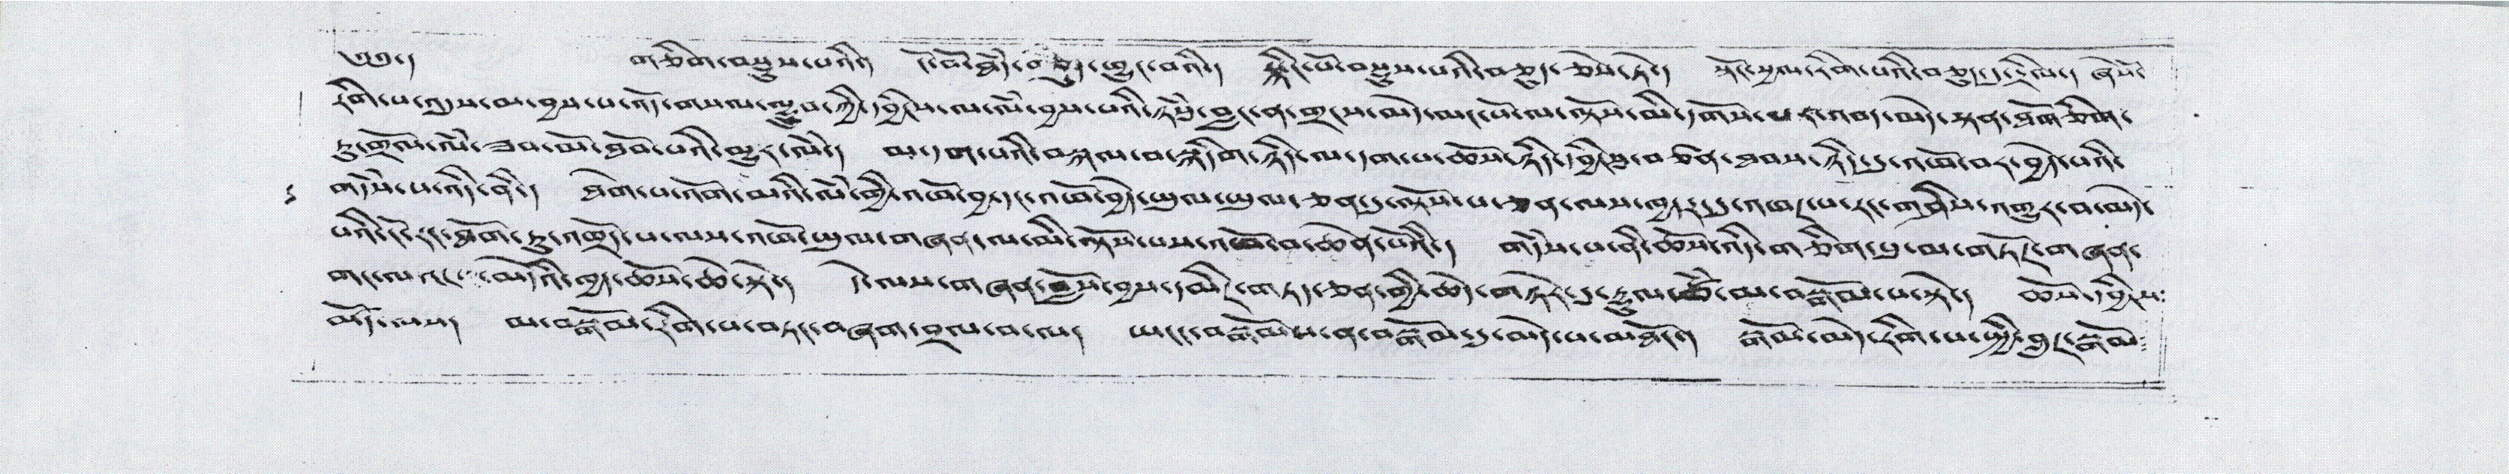གཅིག་བསྡུས་པའི། ངོ་བོ་སྣོད་བཅུད་ཕྱུང་བ་ཡི། སྙིང་པོ་བསྡུས་པའི་བཅུད་ཅེས་ཏེ། སྟོང་གསལ་རིག་པའི་བཅུད་དུ་དྲིལ། ཞེས་སོ། 
རིག་པ་འདུས་མ་བྱས་པ་འོད་གསལ་ལྷུན་གྲུབ་ཀྱི་དབྱིངས་ལ་ལམ་བྱས་པའི་ཉམས་སུ་བླང་ན་གྲངས་མེད་མང་པོ་ལ་ལྟོས་མི་དགོས་པར་འབད་མེད་སྟན་ཐོག་གཅིག་
ཏུ་གྲོལ་ལམ་ཟབ་མོ་ཐོབ་པའི་མྱུར་ལམ། མ་དག་པའི་སྐལ་པ་སྐད་ཅིག་ཉིད་ལ་དག་པ་ཆོས་ཉིད་དབྱིངས་སུ་བཙན་ཐབས་ཉིད་དུ་འཕོ་བར་བྱེད་པའི་
གདམས་པ་འདི་ནི། ཐེག་པ་འོག་མའི་ལམ་གྱི་འཕོ་བྱ་དང་འཕོ་བྱེད་ཡུལ་ཡུལ་ཅན་དུ་ལྟོས་པ་ཅན་ལས་ཁྱད་པར་དུ་འཕགས་པ་རང་གཤིས་འགྱུར་བ་མེད་
པའི་ངོ་རང་ཐོག་ཏུ་འཕྲོད་པ་ལས་འཕོ་ཡུལ་གཞན་ལ་མི་ལྟོས་པའི་འཕོ་བ་ཆེན་པོའི། གདམས་པ་ནི་ཆོས་འདི་གཅིག་པུ་མ་གཏོགས་གཞན་
གང་ལའང་མེད་པའི་ཁྱད་ཆོས་ཆེ་སྟེ། དེ་ལས་གཞན་བློས་བྱས་དམིགས་གཏད་ཅན་གྱི་ཆེད་གཉེར་དུ་རྡུལ་ཙམ་མ་བསྒོམ་པ་སྟེ། ཆོས་དབྱིངས་
མཛོད་ལས། མ་བསྒོམ་རིག་པ་བཏང་བཞག་བྲལ་བ་ལ། ཡང་ཡང་བསྒོམ་ན་བསྒོམ་དུ་མེད་པ་མཐོང་། སྒོམ་མེད་རིག་པ་སྤྱི་བླུགས་སྒོམ་